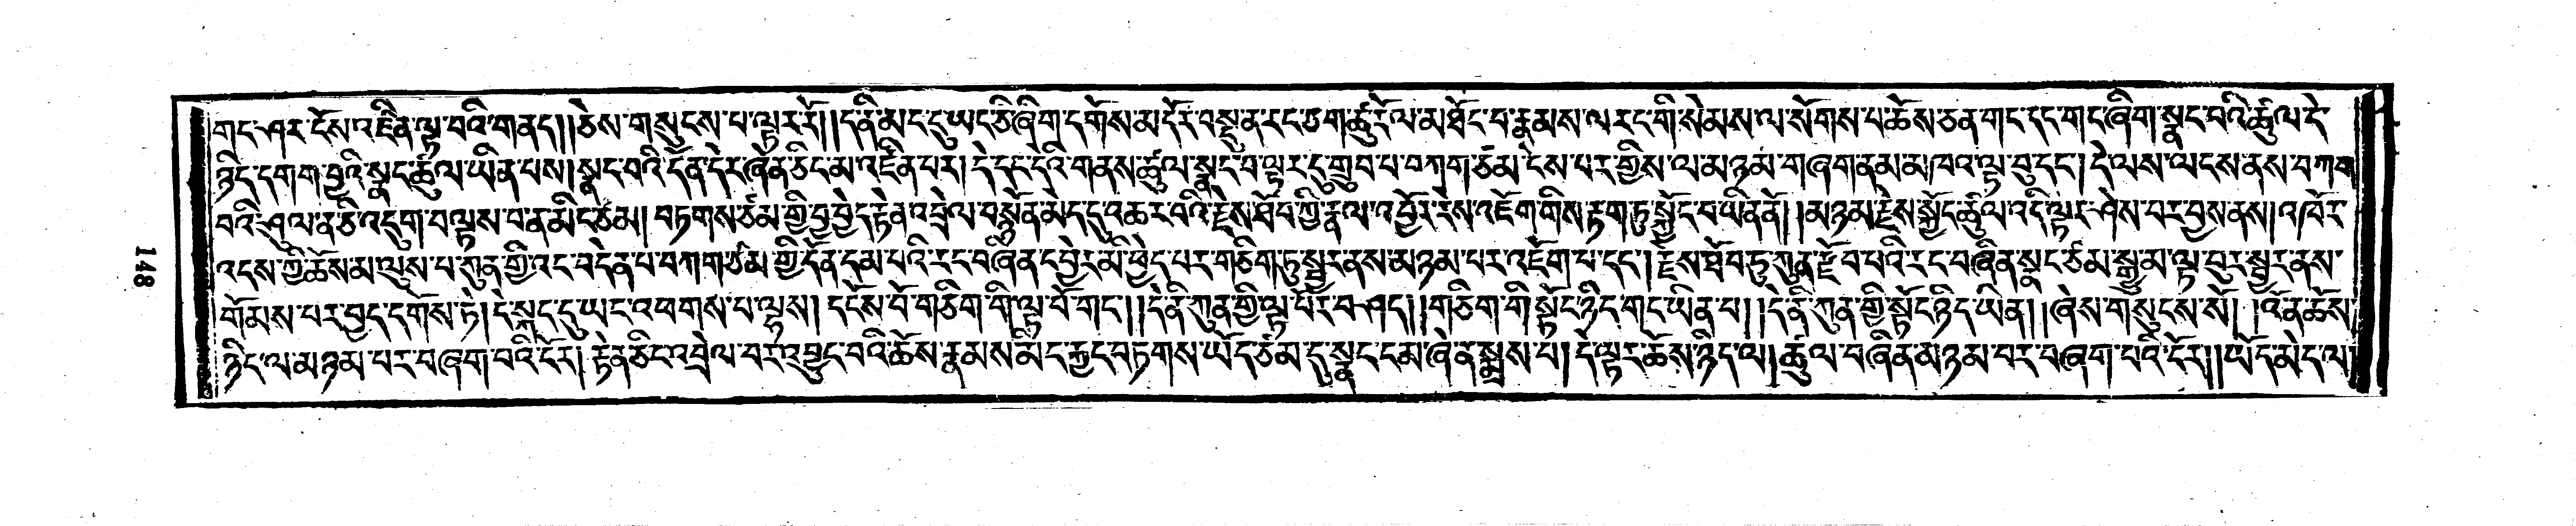གང་ཤར་ངོས་འཛིན་ལྟ་བའི་གནད། །ཅེས་གསུངས་པ་ལྟར་རོ། །ད་ནི་མང་དུ་ཡང་ཅི་ཞིག་དགོས་མདོར་བསྡུ་ན་རང་ཅག་ཚུ་རོལ་མཐོང་བ་རྣམས་ལ་རང་གི་སེམས་ལ་སོགས་པ་ཆོས་ཅན་གང་དང་གང་ཞིག་སྣང་བའི་ཚུལ་དེ་
ཉིད་དགག་བྱའི་སྣང་ཚུལ་ཡིན་པས། སྣང་བའི་དོན་དེར་ཞེན་ཅིང་མ་འཛིན་པར། དེ་དང་དེའི་གནས་ཚུལ་སྣང་བ་ལྟར་དུ་གྲུབ་པ་བཀག་ཙམ་ངེས་པར་གྱིས་ལ་མཉམ་གཞག་ནམ་མཁའ་ལྟ་བུ་དང་། དེ་ལས་ལངས་ནས་བཀག་
པའི་ཤུལ་ན་ཅི་འདུག་བལྟས་པ་ན་མིང་ཙམ། བཏགས་ཙམ་གྱི་བྱ་བྱེད་རྟེན་འབྲེལ་བསྙོན་མེད་དུ་འཆར་བའི་རྗེས་ཐོབ་ཀྱི་རྣལ་འབྱོར་རེས་འཇོག་གིས་རྟག་ཏུ་སྐྱོང་བ་ཡིན་ནོ། །མཉམ་རྗེས་སྐྱོང་ཚུལ་འདི་ལྟར་ཤེས་པར་བྱས་ནས། འཁོར་
འདས་ཀྱི་ཆོས་མ་ལུས་པ་ཀུན་གྱིའང་བདེན་པ་བཀག་ཙམ་གྱི་དོན་དམ་པའི་རང་བཞིན་དབྱེར་མ་ཕྱེད་པར་གཅིག་ཏུ་སྦྱར་ནས་མཉམ་པར་འཇོག་པ་དང་། རྗེས་ཐོབ་ཏུ་ཀུན་རྫོབ་པའི་རང་བཞིན་སྣང་ཙམ་སྒྱུ་མ་ལྟ་བུར་སྦྱར་ནས་
གོམས་པར་བྱེད་དགོས་ཏེ། དེ་སྐད་དུ་ཡང་འཕགས་པ་ལྷས། དངོས་པོ་གཅིག་གི་ལྟ་བོ་གང་། །དེ་ནི་ཀུན་གྱི་ལྟ་བོར་བཤད། །གཅིག་གི་སྟོང་ཉིད་གང་ཡིན་པ། །དེ་ནི་ཀུན་གྱི་སྟོང་ཉིད་ཡིན། །ཞེས་གསུངས་སོ། །འོ་ན་ཆོས་
ཉིད་ལ་མཉམ་པར་བཞག་པའི་ངོར། རྟེན་ཅིང་འབྲེལ་བར་འབྱུང་བའི་ཆོས་རྣམས་མིང་རྐྱང་བཏགས་ཡོད་ཙམ་དུ་སྣང་ངམ་ཞེ་ན་སྨྲས་པ། དེ་ལྟར་ཆོས་ཉིད་ལ། ཚུལ་བཞིན་མཉམ་པར་བཞག་པའི་ངོར། །ཡོད་མེད་ལ་